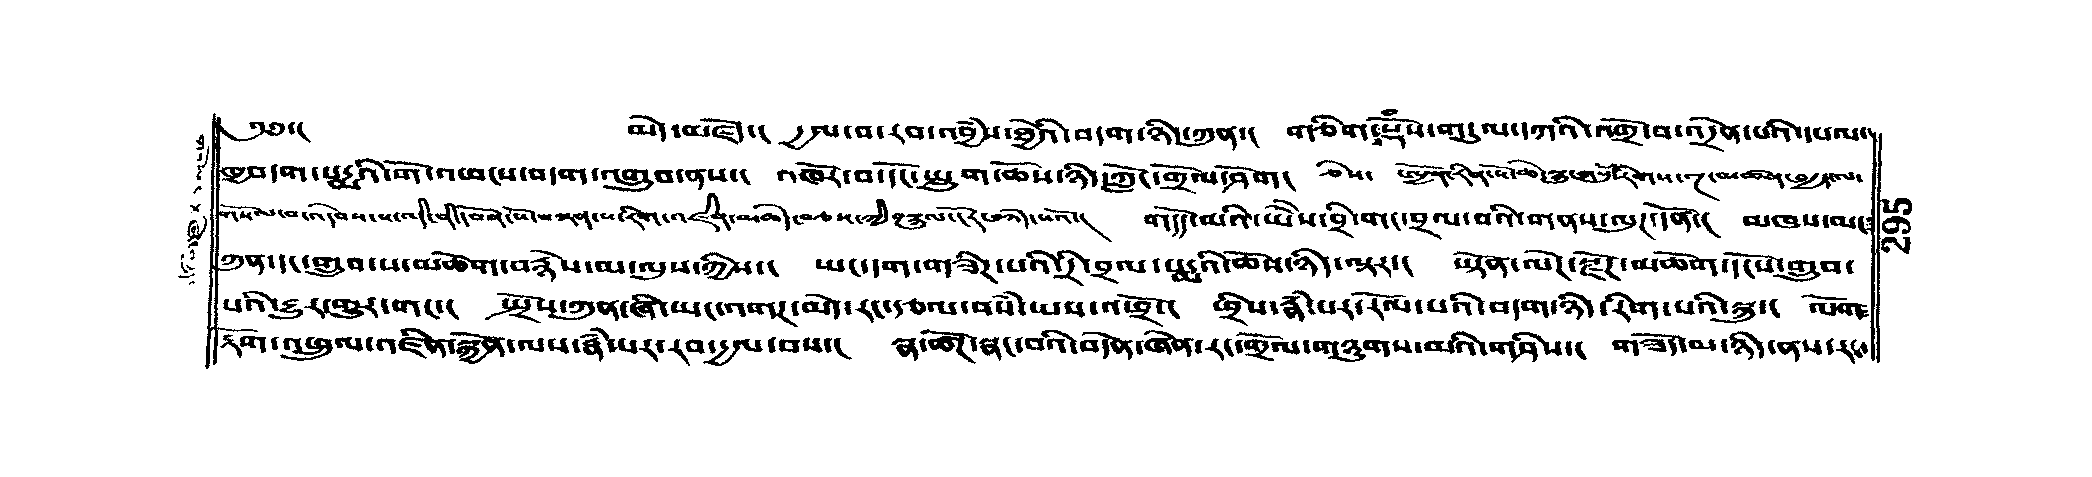མེད་མཛོད། །རྒྱལ་བ་རབ་འབྱམས་ཐུགས་རྗེའི་བདག་ཉིད་ཀུན། །གཅིག་བསྡོམས་གདུལ་དཀའི་འགྲོ་བ་འདྲེན་པའི་དཔལ། །
ཁྱབ་བདག་པདྨའི་གོ་འཕང་བདག་འགྲུབ་ནས། །འཁོར་བ་དོང་སྤྲུགས་ཆོས་ཉིད་ཀློང་གྲོལ་ཤོག ཅེས་ཨོ་རྒྱན་རིན་པོ་ཆེ་སྐུ་གསུམ་རིགས་ལྔ་མཚན་བརྒྱད་ལ་
གསོལ་བ་འདེབས་པ་འདི་ནི་དབོན་པོ་བསྟན་པ་རིག་འཛིན་མཆེད་བཅས་ཀྱི་བསྐུལ་ངོར་བཀོད་པའོ།། གདོད་མའི་ཡེ་ཤེས་བྲི་གང་བྲལ་བའི་གནས་ལུགས་དོན། །མཁས་མང་
ཀུན་དང་གྲུབ་པ་མཆོག་བརྙེས་མ་ལུས་ཀྱིས། །ཡང་དག་གཟིགས་པའི་དྲི་བྲལ་པདྨའི་ཆོས་ཉིད་ལྟར། །ཡོན་ཏན་ལེགས་རྫོགས་མཆོག་དངོས་གྲུབ་
པའི་རྒྱུར་གྱུར་གང་། །སྤྲོས་ཀུན་ཞི་ཡང་འགགས་མེད་རང་རྩལ་བསམ་ཡས་འཕྲོ། །ཕྲིན་ལས་རྣམ་པར་རོལ་པའི་བདག་ཉིད་རིག་པའི་སྐུ། །ལོག་
རྟོག་འཁྲུལ་འཛིན་སྐྱོན་ལས་རྣམ་པར་རབ་རྒྱལ་བས། །སྣ་ཚོགས་སྣང་བའི་བདེན་ཞེན་རང་གྲོལ་གཉུག་མའི་གཤིས། །གཟོད་མ་ཉིད་ནས་རང་